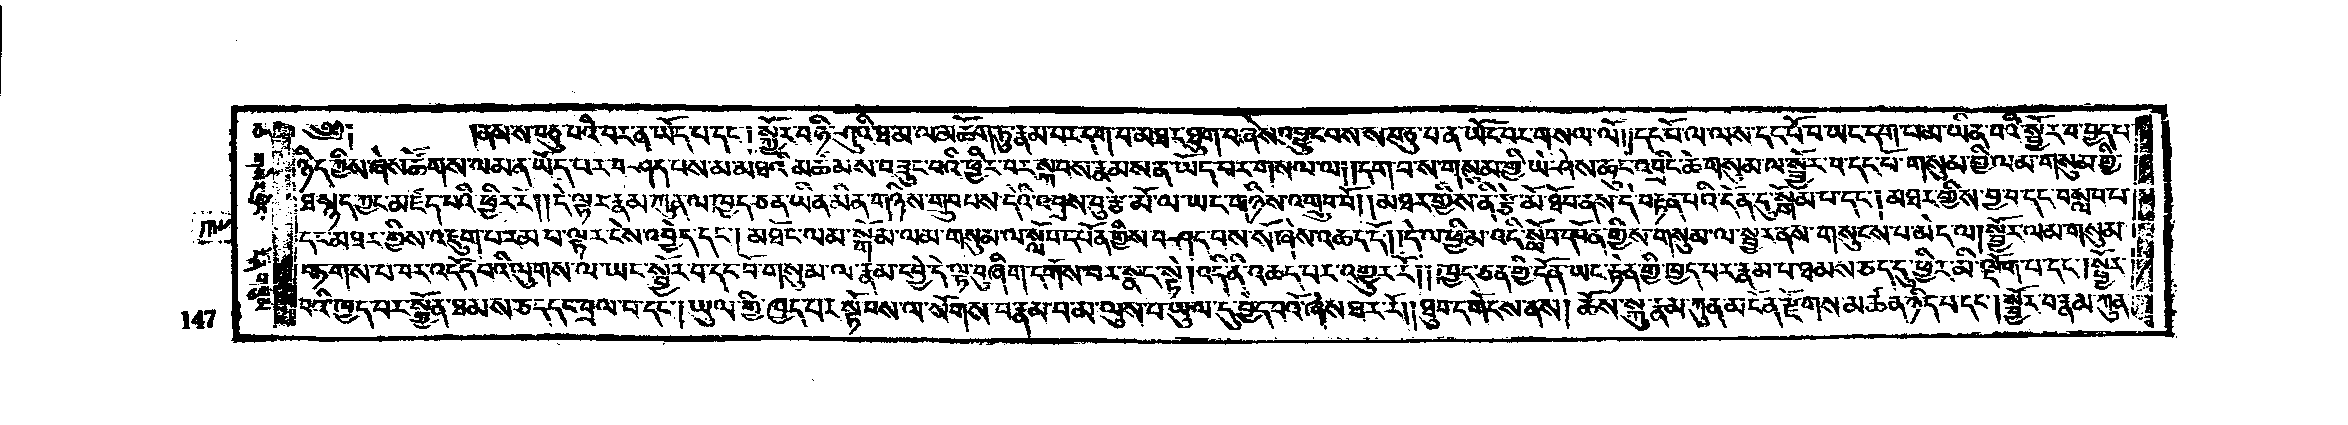༄༅། །ནས་ས་བཅུ་པའི་བར་ན་ཡོད་པ་དང་། སྦྱོར་བ་ཉི་ཤུའི་ཐ་མ་ལ་མཆོག་ཏུ་རྣམ་པར་དག་པ་མཐར་ཐུག་བཞེས་འབྱུང་བས་ས་བཅུ་པ་ན་ཡོང་བར་གསལ་ལོ། །དང་པོ་ལ་ལས་དང་པོ་བ་ཡང་དག་པ་མ་ཡིན་པའི་སྦྱོར་བ་བྱད་པ་
ཉིད་ཀྱིས་ཞེས་ཚོགས་ལམ་ན་ཡོད་པར་བཤད་པས་མ་མཐའི་མཚམས་བཟུང་བའི་ཕྱིར་བར་སྐབས་རྣམས་ན་ཡོད་པར་གསལ་ལ། །དག་པ་ས་གསུམ་གྱི་ཡེ་ཤེས་ཆུང་འབྲིང་ཆེ་གསུམ་ལ་སྦྱོར་བ་དང་པོ་གསུམ་གྱི་ལམ་གསུམ་གྱི་
ཐ་སྙད་ཀྱང་མཛད་པའི་ཕྱིར་རོ། །དེ་ལྟར་རྣམ་ཀུན་ལ་ཁྱད་ཅན་ཡིན་མིན་གཉིས་གྲུབ་པས་དེའི་འབྲས་བུ་རྩེ་མོ་ལ་ཡང་གཉིས་འགྲུབ་བོ། །མཐར་གྱིས་ནི་རྩེ་མོ་ཐོབ་ནས་དེ་བརྟན་པའི་དོན་དུ་སྒོམ་པ་དང་། མཐར་གྱིས་བྱ་བ་དང་བསླབ་པ་
དང་མཐར་གྱིས་འཇུག་པ་རིམ་པ་ལྟར་ངེས་འབྱེད་དང་། མཐོང་ལམ་སྒོམ་ལམ་གསུམ་ལ་སློབ་དཔོན་གྱིས་བཤད་པས་སོ་ཞེས་འཆད་དོ། །དེ་ལ་ཕྱི་མ་འདི་སློབ་དཔོན་གྱིས་གསུམ་ལ་སྦྱར་ནས་གསུངས་པ་མེད་ལ། སྤྱིར་ལམ་གསུམ་
བཏགས་པ་བར་འདོད་པའི་ལུགས་ལ་ཡང་སྦྱོར་བ་དང་པོ་གསུམ་ལ་རྣམ་དབྱེ་དེ་ལྟ་བུ་ཞིག་དགོས་པར་སྣང་སྟེ། འདི་ནི་འཆད་པར་འགྱུར་རོ། །ཁྱད་ཅན་གྱི་དོན་ཡང་རྟེན་གྱི་ཁྱད་པར་རྣམ་པ་ཐམས་ཅད་དུ་ཕྱིར་མི་ལྡོག་པ་དང་། སྦྱོར་
བའི་ཁྱད་པར་སྐྱོན་ཐམས་ཅད་དང་བྲལ་བ་དང་། ཡུལ་གྱི་ཁྱད་པར་སྟོབས་ལ་སོགས་པ་རྣམ་པ་མ་ལུས་པ་ཡུལ་དུ་བྱེད་པའོ་ཞེས་ཟེར་རོ། །ཐུབ་དགོངས་ནས། ཆོས་སྐུ་རྣམ་ཀུན་མངོན་རྫོགས་མཚན་ཉིད་པ་དང་། སྦྱོར་བ་རྣམ་ཀུན་